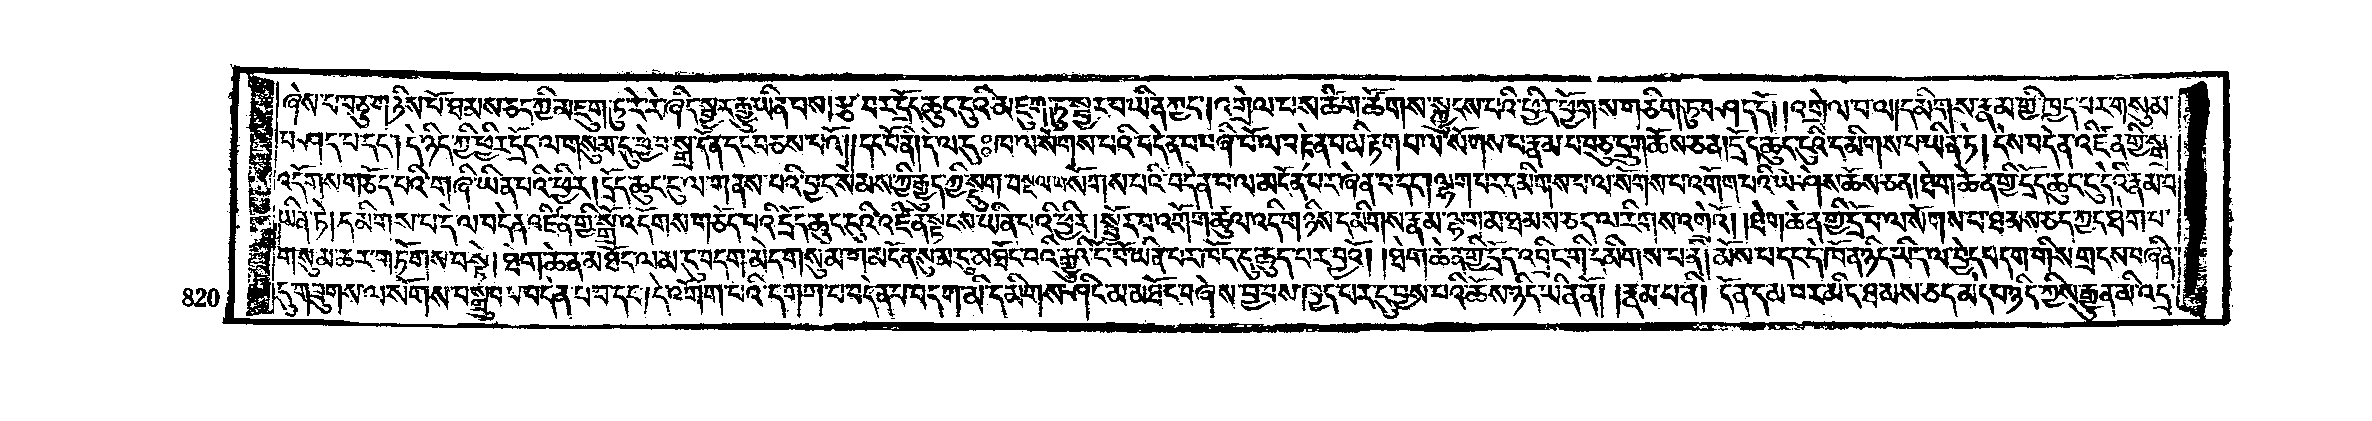ཞེས་པ་བཅུ་གཉིས་པོ་ཐམས་ཅད་ཀྱི་མཇུག་ཏུ་རེ་རེ་ཞིང་སྦྱར་རྒྱུ་ཡིན་པས། རྩ་བར་དྲོད་ཆུང་ངུའི་མཇུག་ཏུ་སྦྱར་བ་ཡིན་ཀྱང་། འགྲེལ་པས་ཚིག་ཚོགས་སྐྱངས་པའི་ཕྱིར་ཕྱོགས་གཅིག་ཏུ་བཤད་དོ། །འགྲེལ་བ་ལ། དམིགས་རྣམ་གྱི་ཁྱད་པར་གསུམ་
བཤད་པ་དང་། དེ་ཉིད་ཀྱི་ཕྱིར་དྲོད་ལ་གསུམ་དུ་ཕྱེ་བ་སྒྲ་དོན་དང་བཅས་པའོ། །དང་པོ་ནི། དེ་ལ་དུ་H ཁ་ལ་སོགས་པའི་བདེན་པ་བཞི་པོ་ལ་བརྟེན་པ་མི་རྟག་པ་ལ་སོགས་པ་རྣམ་པ་བཅུ་དྲུག་ཆོས་ཅན། དྲོད་ཆུང་ངུའི་དམིགས་པ་ཡིན་ཏེ། དེས་བདེན་འཛིན་གྱི་སྒྲ་
འདོགས་གཅོད་པའི་གཞི་ཡིན་པའི་ཕྱིར། དྲོད་ཆུང་ངུ་ལ་གནས་པའི་བྱང་སེམས་ཀྱི་རྒྱུད་ཀྱི་སྡུག་བསྔལ་ལ་སོགས་པའི་བདེན་པ་ལ་མངོན་པར་ཞེན་པ་དང་། ལྷག་པར་དམིགས་པ་ལ་སོགས་པ་འགོག་པའི་ཡེ་ཤེས་ཆོས་ཅན། ཐེག་ཆེན་གྱི་དྲོད་ཆུང་ངུ་དེའི་རྣམ་པ་
ཡིན་ཏེ། དམིགས་པ་དེ་ལ་བདེན་འཛིན་གྱི་སྒྲོ་འདོགས་གཅོད་པའི་དྲོད་ཆུང་ངུའི་འཛིན་སྟངས་ཡིན་པའི་ཕྱིར། སྦྱོར་བ་འགོག་ཚུལ་འདི་གཉིས་དམིགས་རྣམ་ལྷག་མ་ཐམས་ཅད་ལ་རིགས་འགྲེའོ། །ཐེག་ཆེན་གྱི་དྲོ་བ་ལ་སོགས་པ་ཐམས་ཅད་ཀྱང་ཐེག་པ་
གསུམ་ཆར་གཏོགས་པ་སྟེ། ཐེག་ཆེན་མཐོང་ལམ་དུ་བདག་མེད་གསུམ་ག་མངོན་སུམ་དུ་མཐོང་བའི་རྒྱུའི་ངོ་བོ་ཡིན་པར་ཁོང་དུ་ཆུད་པར་བྱའོ། །ཐེག་ཆེན་གྱི་དྲོད་འབྲིང་གི་དམིགས་པ་ནི། མོས་པ་དང་དེ་ཁོ་ན་ཉིད་ཡིད་ལ་བྱེད་པ་དག་གིས་གྲངས་བཞིན་
དུ་གཟུགས་ལ་སོགས་པ་སྒྲུབ་པ་བདེན་པ་བ་དང་། དེ་འགོག་པའི་དགག་པ་བདེན་པ་བདག་མེད་དམིགས་ཤིང་མ་མཐོང་བ་ཞེས་བྱ་བས་ཁྱད་པར་དུ་བྱས་པའི་ཆོས་ཉིད་ཡིན་ནོ། །རྣམ་པ་ནི། དོན་དམ་པར་མིད་ཐམས་ཅད་མེད་པ་ཉིད་ཀྱིས་རྒྱུན་མི་འདར་